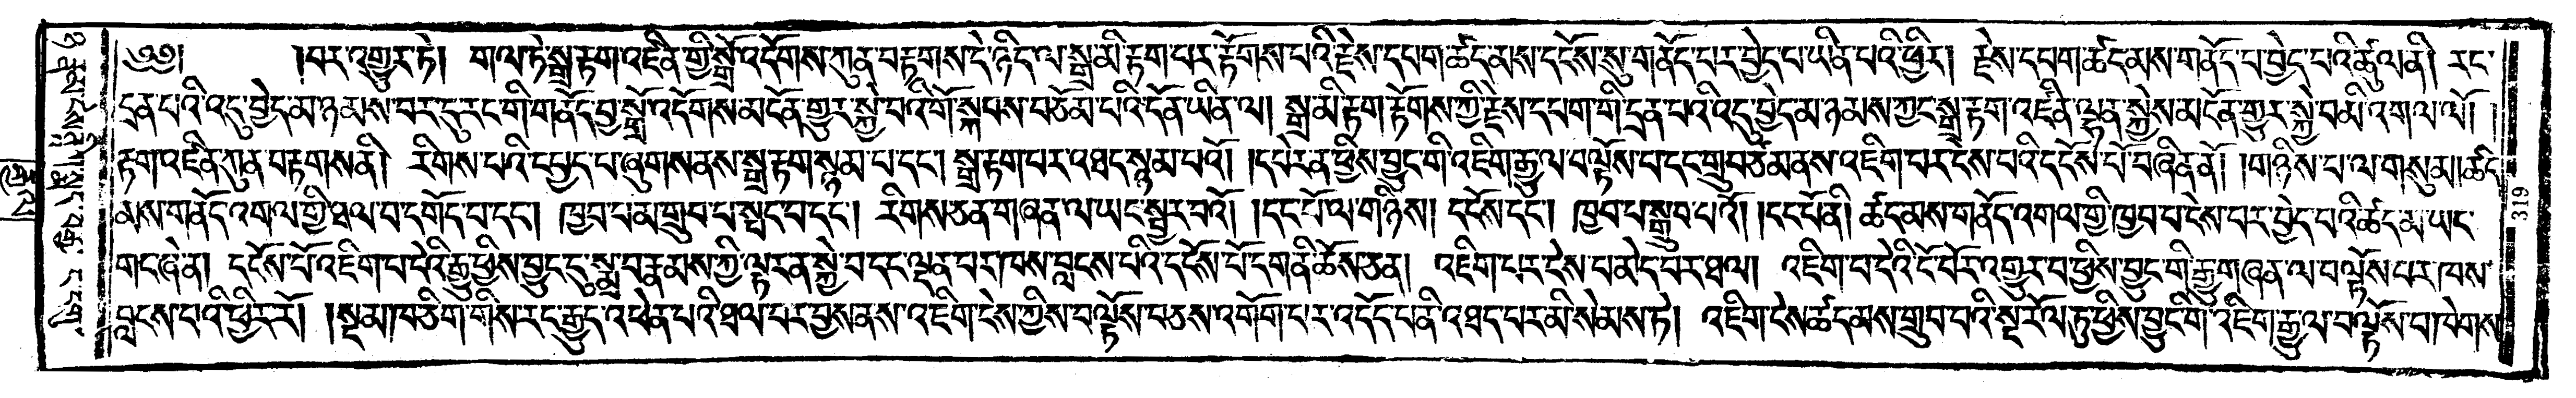༄༅། །བར་འགྱུར་ཏེ། གལ་ཏེ་སྒྲ་རྟག་འཛིན་གྱི་སྒྲོ་འདོགས་ཀུན་བརྟགས་དེ་ཉིད་ལ་སྒྲ་མི་རྟག་པར་རྟོགས་པའི་རྗེས་དཔག་ཚད་མས་དངོས་སུ་གནོད་པར་བྱེད་པ་ཡིན་པའི་ཕྱིར། རྗེས་དཔག་ཚད་མས་གནོད་པ་བྱེད་པའི་ཚུལ་ནི། རང་
དྲན་པའི་འདུ་བྱེད་མ་ཉམས་བར་དུ་རང་གི་གནོད་བྱ་སྒྲོ་འདོགས་མངོན་གྱུར་སྐྱེ་བའི་གོ་སྐབས་བཅོམ་པའི་དོན་ཡིན་ལ། སྒྲ་མི་རྟག་རྟོགས་ཀྱི་རྗེས་དཔག་གི་དྲན་པའི་འདུ་བྱེད་མ་ཉམས་ཀྱང་སྒྲ་རྟག་འཛིན་ལྷན་སྐྱེས་མངོན་གྱུར་སྐྱེ་བ་མི་འགལ་ལོ། །
རྟག་འཛིན་ཀུན་བརྟགས་ནི། རིགས་པའི་དཔྱད་པ་ཞུགས་ནས་སྒྲ་རྟག་སྙམ་པ་དང་། སྒྲ་རྟག་པར་འཐད་སྙམ་པའོ། །དཔེར་ན་ཕྱིས་བྱུང་གི་འཇིག་རྒྱུ་ལ་བལྟོས་པ་དང་གྲུབ་ཙམ་ནས་འཇིག་པར་ངེས་པའི་དངོས་པོ་བཞིན་ནོ། །གཉིས་པ་ལ་གསུམ། ཚད་
མས་གནོད་འགལ་གྱི་ཐལ་བ་དགོད་པ་དང་། ཁྱབ་པ་མ་གྲུབ་པ་སྤང་བ་དང་། རིགས་ཅན་གཞན་ལ་ཡང་སྦྱར་བའོ། །དང་པོ་ལ་གཉིས། དངོས་དང་། ཁྱབ་པ་སྒྲུབ་པའོ། །དང་པོ་ནི། ཚད་མས་གནོད་འགལ་གྱི་ཁྱབ་པ་ངེས་པར་བྱེད་པའི་ཚད་མ་ཡང་
གང་ཞེ་ན། དངོས་པོ་འཇིག་པ་དེའི་རྒྱུ་ཕྱིས་བྱུང་དུ་སྨྲ་བ་རྣམས་ཀྱི་ལྟར་ན་སྐྱེ་བ་དང་ལྡན་པར་ཁས་བླངས་པའི་དངོས་པོ་དག་ནི་ཆོས་ཅན། འཇིག་པར་ངེས་པ་མེད་པར་ཐལ། འཇིག་པ་དེའི་ངོ་བོར་འགྱུར་བ་ཕྱིས་བྱུང་གི་རྒྱུ་གཞན་ལ་བལྟོས་པར་ཁས་
བླངས་པའི་ཕྱིར་རོ། །སྔ་མ་ཁ་ཅིག་གིས་རང་རྒྱུད་འཕེན་པའི་ཐལ་པར་བྱས་ནས་འཇིག་ངེས་ཀྱིས་བལྟོས་བཅས་འགོག་པར་འདོད་པ་ནི་འཐད་པར་མི་སེམས་ཏེ། འཇིག་ངེས་ཚད་མས་གྲུབ་པའི་སྔ་རོལ་ཏུ་ཕྱིས་བྱུང་གི་འཇིག་རྒྱུ་ལ་བལྟོས་བ་ཁེགས་